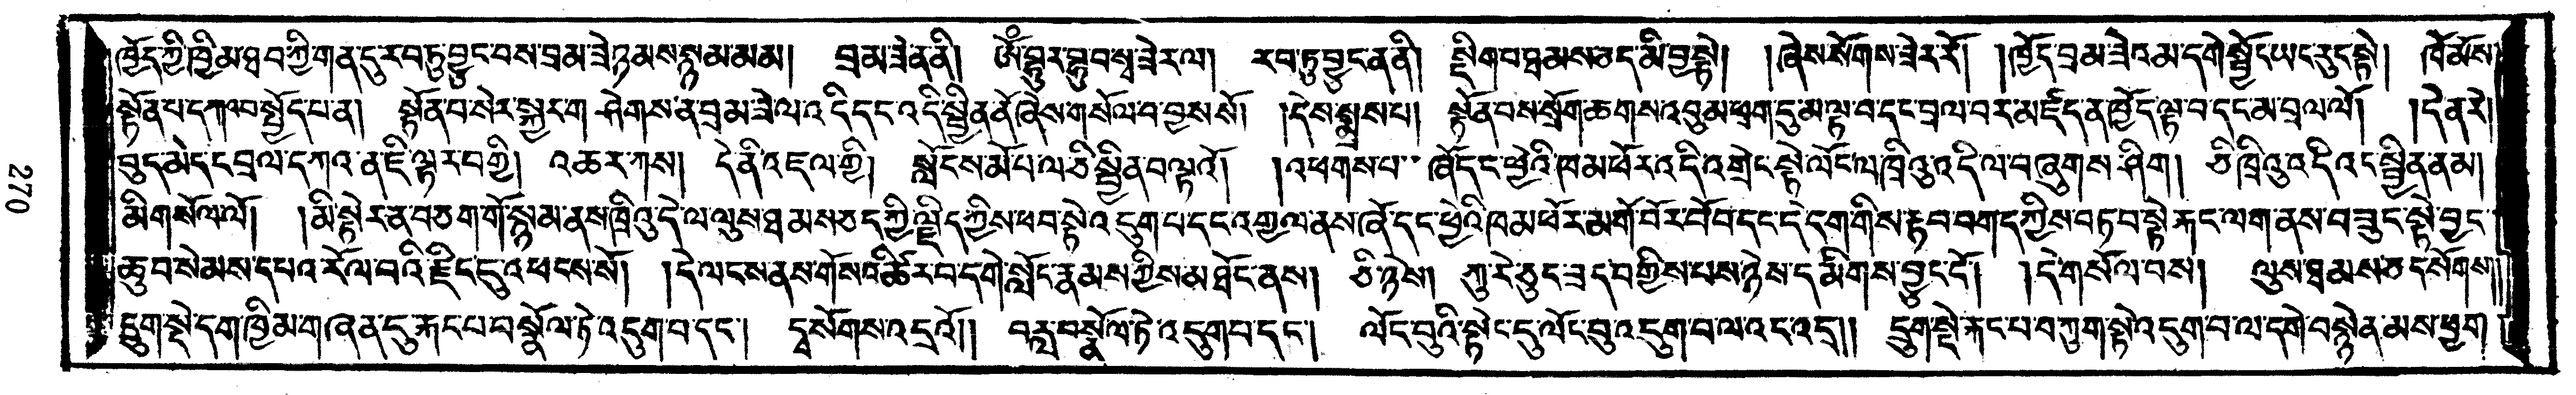ཁྱོད་ཀྱི་ཁྱིམ་ཐབ་ཀྱི་གན་དུ་རབ་ཏུ་བྱུང་བས་བྲམ་ཟེ་ཉམས་སྙམ་མམ། བྲམ་ཟེ་ན་ནི། ཨོཾ་བྷུར་བྷུ་བ་སྭ་ཟེར་ལ། རབ་ཏུ་བྱུང་ན་ནི། སྡིག་པ་ཐམས་ཅད་མི་བྱ་སྟེ། །ཞེས་སོགས་ཟེར་རོ། །ཁྱོད་བྲམ་ཟེའམ་དགེ་སྦྱོང་ཡང་རུང་སྟེ། ཁོ་མོས་
སྟོན་པ་དཀའ་བ་སྤྱོད་པ་ན། སྟོན་པ་སེར་སྐྱར་གཤེགས་ན་བྲམ་ཟེ་ལ་འདི་དང་འདི་སྦྱིན་ནོ་ཞེས་གསོལ་བ་བྱས་སོ། །དེས་སྨྲས་པ། སྟོན་པས་སྲོག་ཆགས་འབུམ་ཕྲག་དུ་མ་ལྟ་བ་དང་བྲལ་བར་མཛད་ན་ཁྱོད་ལྟ་བ་དང་མ་བྲལ་ལོ། །དེ་ན་རེ།
བུད་མེད་དབྲལ་དཀའ་ན་ཇི་ལྟར་བགྱི། འཆར་ཀས། དེ་ནི་འཇལ་གྱི། སློངས་མོ་པ་ལ་ཅི་སྦྱིན་བལྟའོ། །འཕགས་པ་ཞོ་དང་ཕྱེའི་ཁམ་ཕོར་འདི་འགྲེང་སྟེ་ལོང་ལ་ཁྲིའུ་འདི་ལ་བཞུགས་ཤིག། ཅི་ཁྲིའུ་འདིའང་སྦྱིན་ནམ།
མི་གསོལ་ལོ། །མི་སྟེར་ན་བཅག་གོ་སྙམ་ནས་ཁྲིའུ་དེ་ལ་ལུས་ཐམས་ཅད་ཀྱི་ལྗིད་ཀྱིས་ཕབ་སྟེ་འདུག་པ་དང་འགྱལ་ནས་ཞོ་དང་ཕྱེའི་ཁམ་ཕོར་མགོ་བོར་བོབ་དང་དེ་དག་གིས་རྟབ་བག་དཀྱིས་བཏབ་སྟེ་རྐང་ལག་ནས་བཟུང་སྟེ་བྱང་
ཆུབ་སེམས་དཔའ་རོལ་བའི་རྗིང་དུ་འཕངས་སོ། །དེ་ལངས་ནས་གོས་འཚིར་བ་དགེ་སློང་རྣམས་ཀྱིས་མཐོང་ནས། ཅི་ཉེས། ཀུ་རེ་ཅུང་ཟད་བགྱིས་པས་ཉེས་དམིགས་བྱུང་ངོ། །དེ་གསོལ་བས། ལུས་ཐམས་ཅད་སོགས།།
དྲུག་སྡེ་དག་ཁྱིམ་གཞན་དུ་རྐང་པ་བསྣོལ་ཏེ་འདུག་པ་དང་། དྭ་སོགས་འདྲའོ།། བརླ་བསྣོལ་ཏེ་འདུག་པ་དང་། ལོང་བུའི་སྟེང་དུ་ལོང་བུ་འདུག་བ་ལའང་འདྲ།། དྲུག་སྡེ་རྐང་པ་བཀུག་སྟེ་འདུག་པ་ལ་དགེ་བསྙེན་མས་ཕྱག །